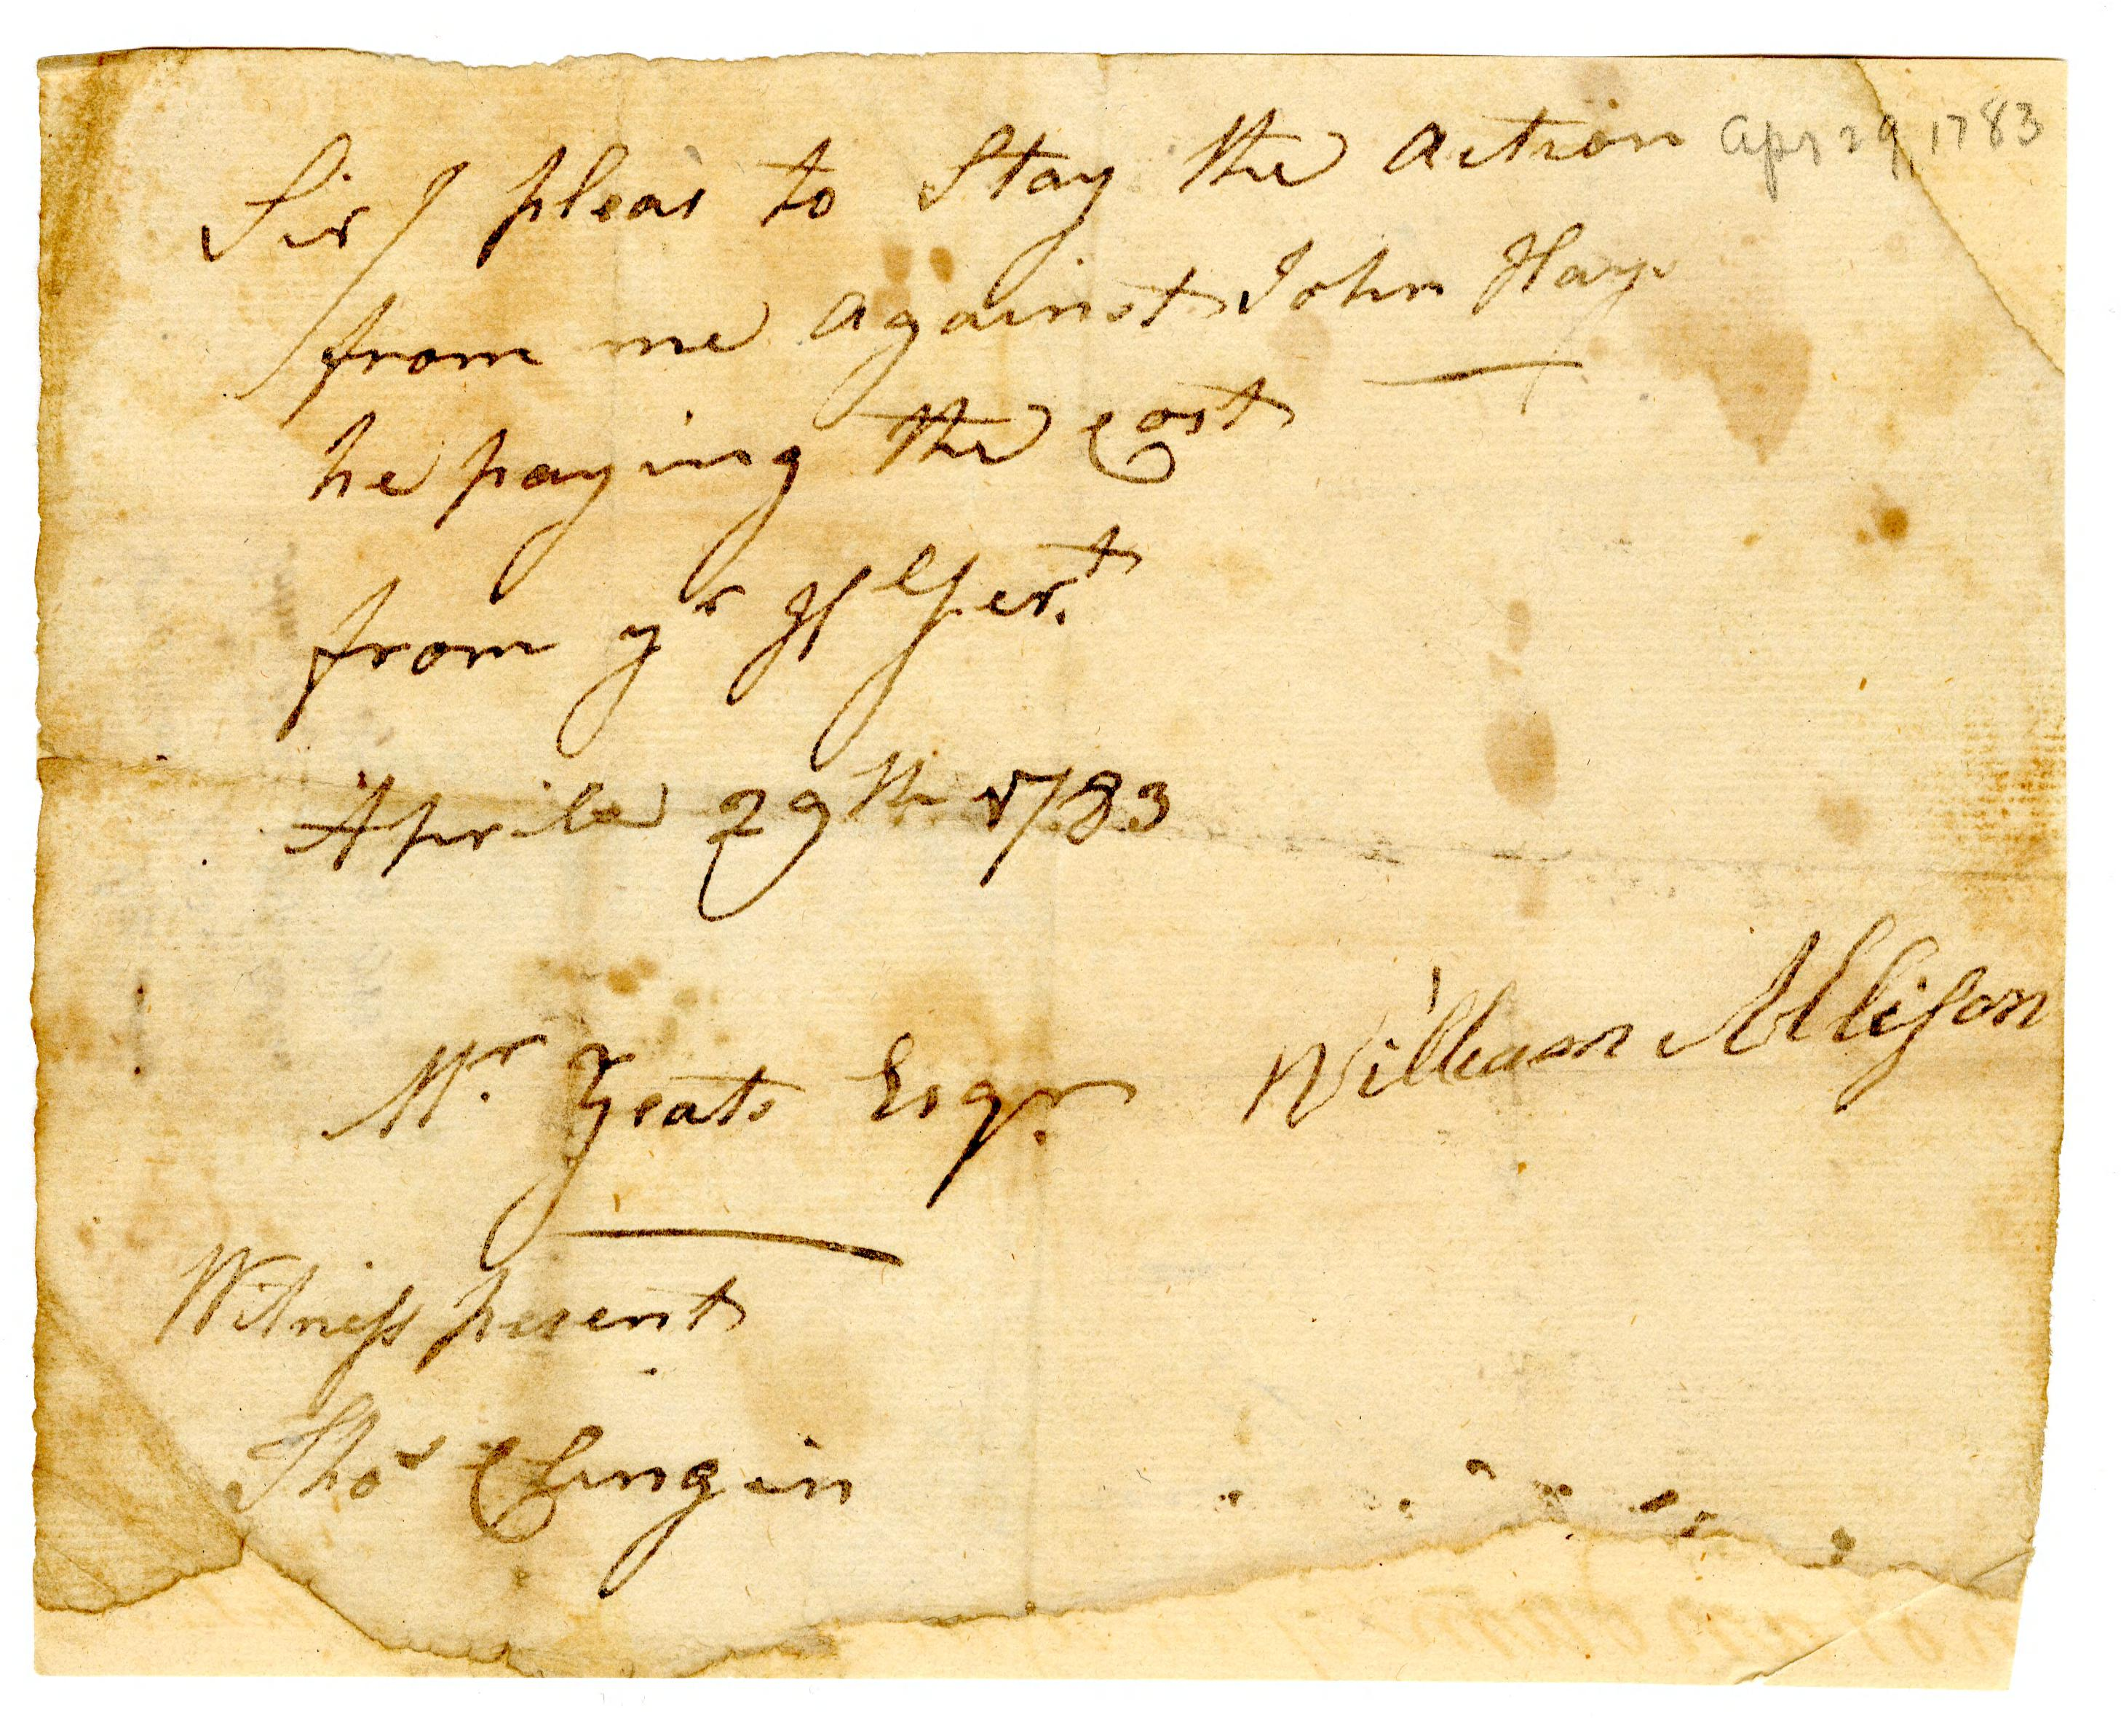Sir
pleas to Stay the action
from me Against John Hays
he paying the Cost
from y^r H^e Ser^t.
April 29th 1783
M^r. Yeats Esqr.
William Allison
Witness present
Tho^s Clingin